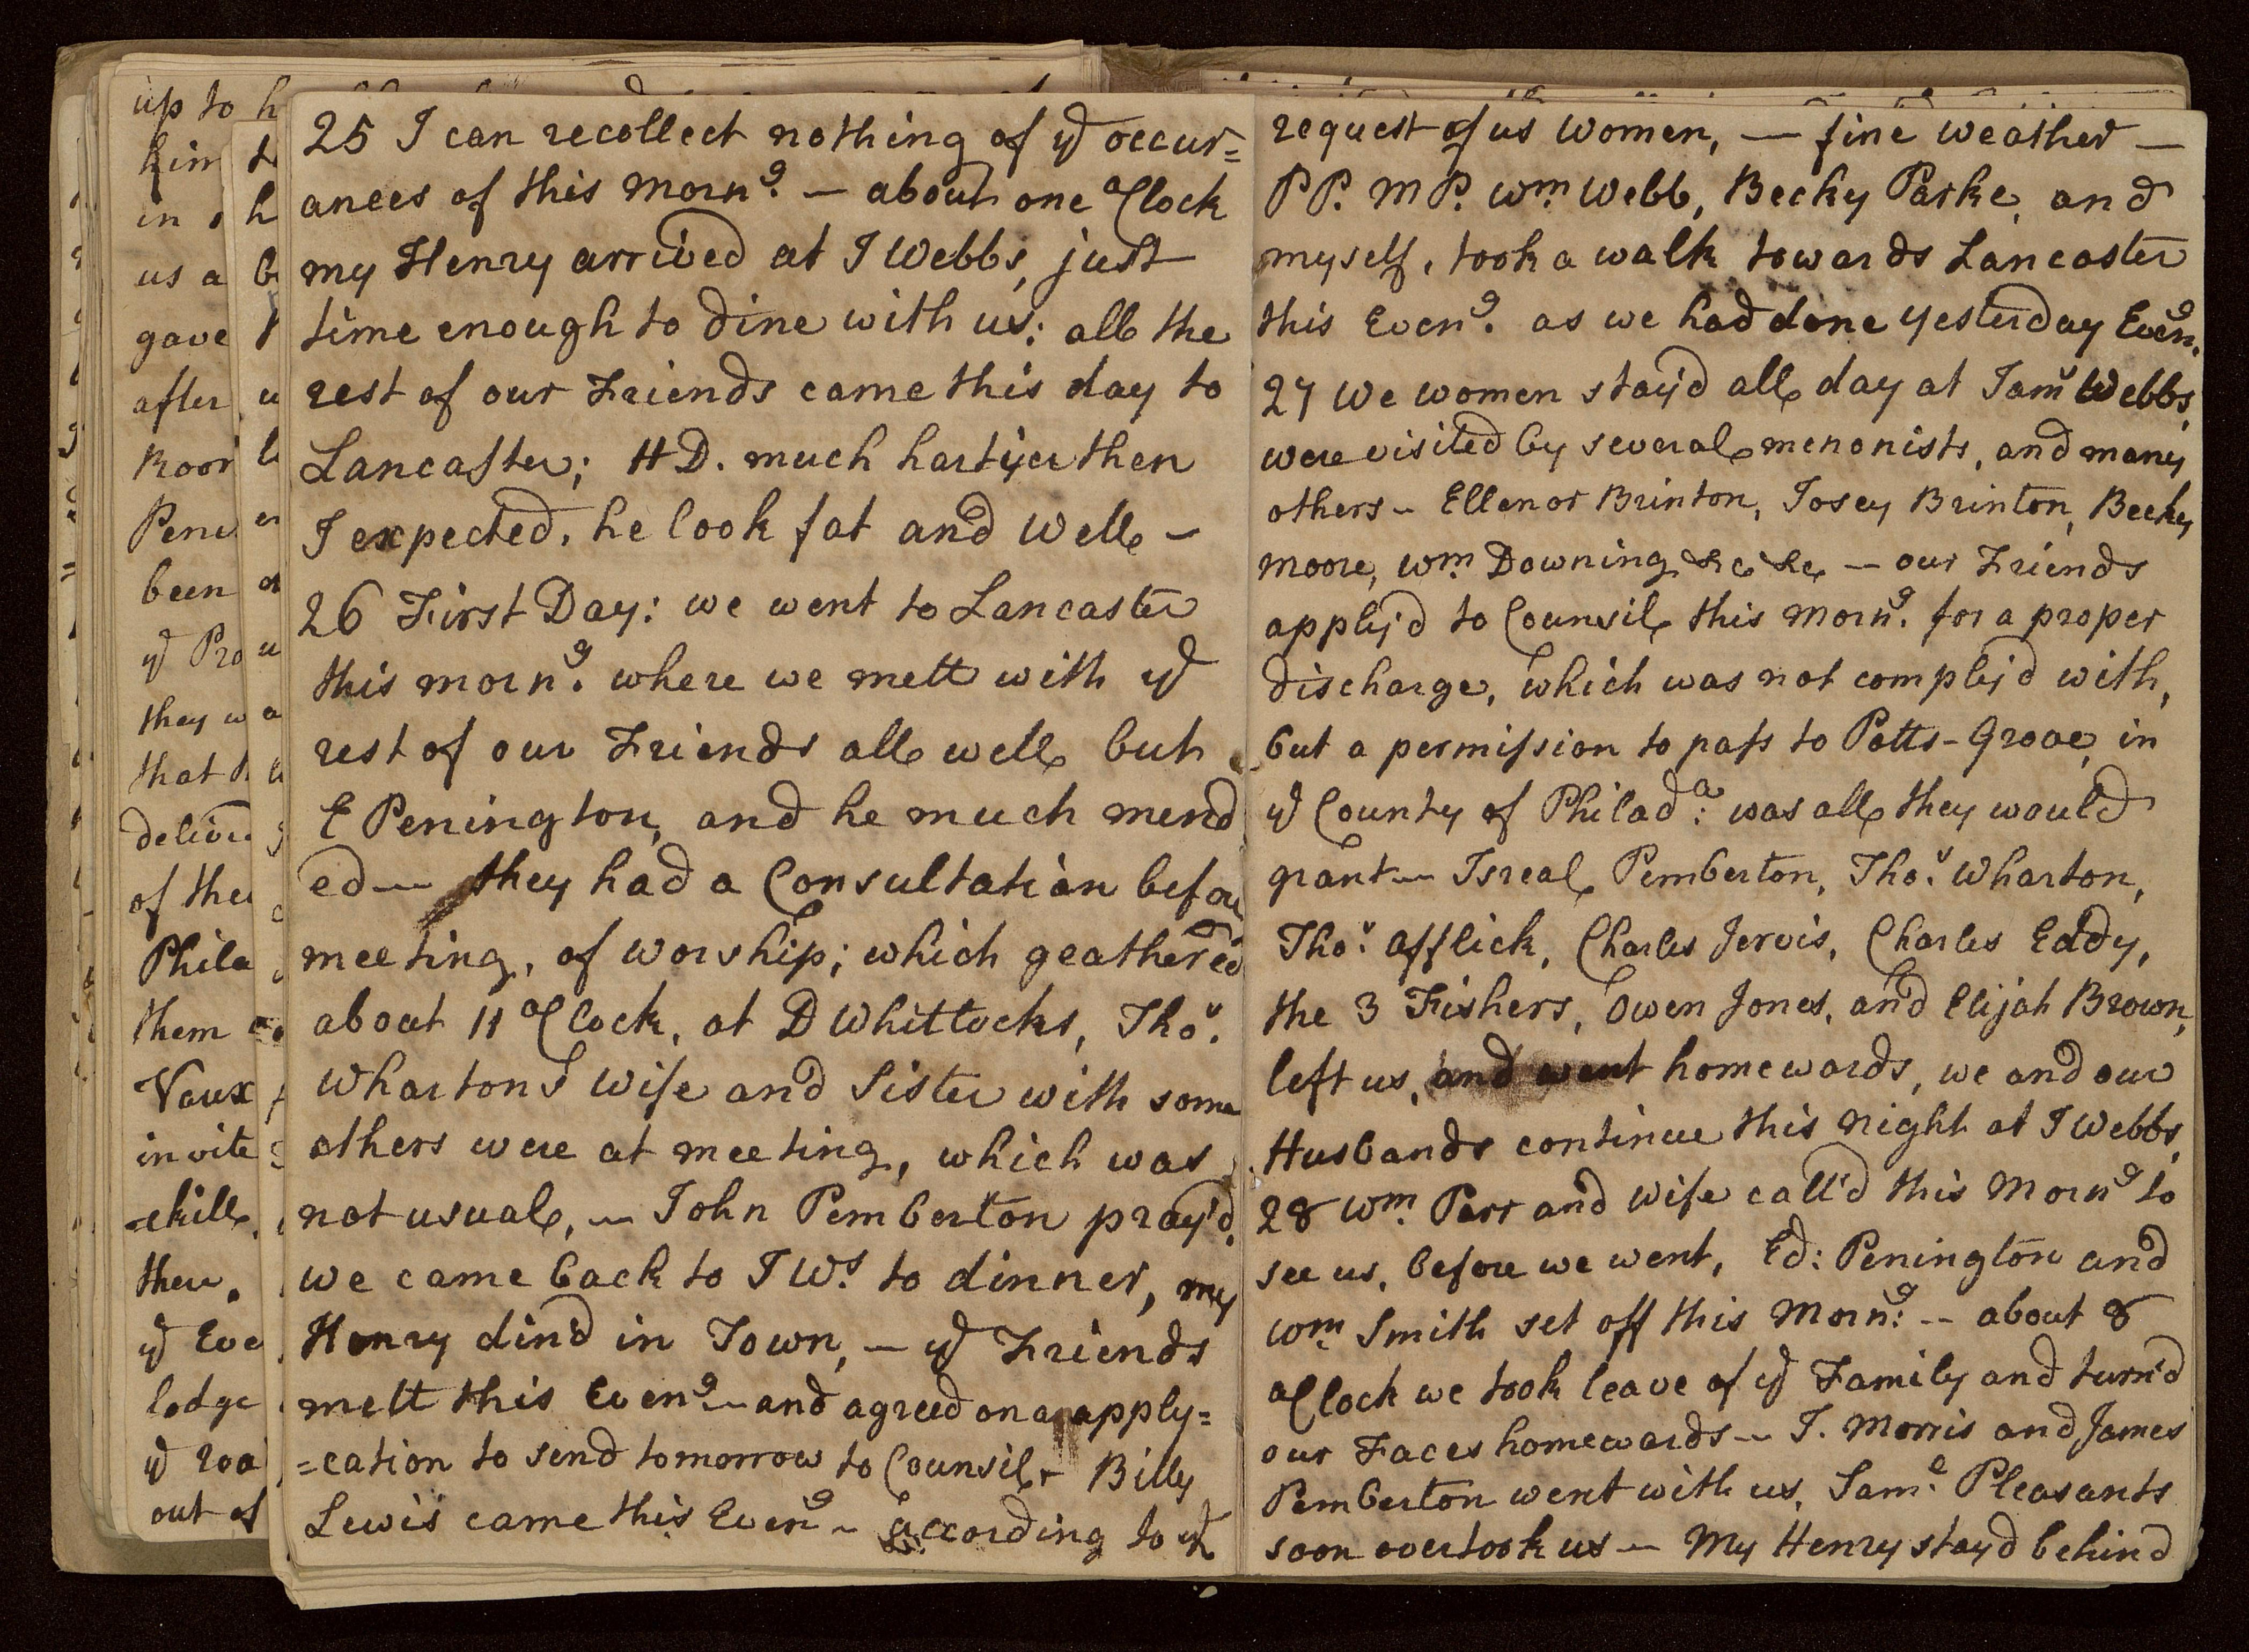25 I can recollect nothing of y^e occur-
ances of this morn^g.- about one ^o Clock
my Henry arrived at T Webbs, just
time enough to dine with with us: all the
rest of our Friends came this day to
Lancaster; HD. much hartier then
I expected, he look fat and well-
26 First Day: we went to Lancaster
this morn^g. where we mett with y^e
rest of our Friends all well but
E Penington, and he much mend
ed- they had a Consultation before
meeting, of worship; which geathered
about 11 ^o Clock, at D Whittocks, Tho^s.
Whartons wife and Sister with some
others were at meeting, which was
not usual,- John Pemberton pray'd
we came back to TW^s. to dinner, my
Henry din'd in Town,- y^e Friends
mett this Even^g- and agreed on a apply-
-cation to send tomorrow to Counsil- Billy
Lewis came This Even^g- according to y^e
request of us women,- fine weather-
PP. MP. W^m. Webb, Becky Parke, and
myself, took a walk towards Lancaster
this Even^g. as we had done Yesterday Even^g.
27 we women stay'd all day at Sam^l Webbs,
were visited by several menonists, and many
others- Ellanor Brinton, Josey Brinton, Becky
Moore, W^m. Downing &c &c -- our Friends
apply'd to Counsil this morn^g. for a proper
discharge, which was not comply'd with,
but a permission to pass to Potts-Grove, in
y^e County of Philad^a. was all they would
grant- Isreal Pemberton, Tho^s. Wharton,
Tho^s. Afflick, Charles Jervis, Charles Eddy,
the 3 Fishers, Owen Jones, and Elijah Brown,
left us, and went homewards, we and our
Husbands continue this night at T Webbs,
28 W^m. Parr and wife call'd this morn^g to
see us, before we went,, Ed: Penington and
W^m. Smith set off this Morn^g:-- about 8
^oClock we took leave of y^e Family and turn'd
our Faces homewards- T. Morris and James
Pemberton went with us, Sam^l. Pleasants
soon overtook us- My Henry stayd behind